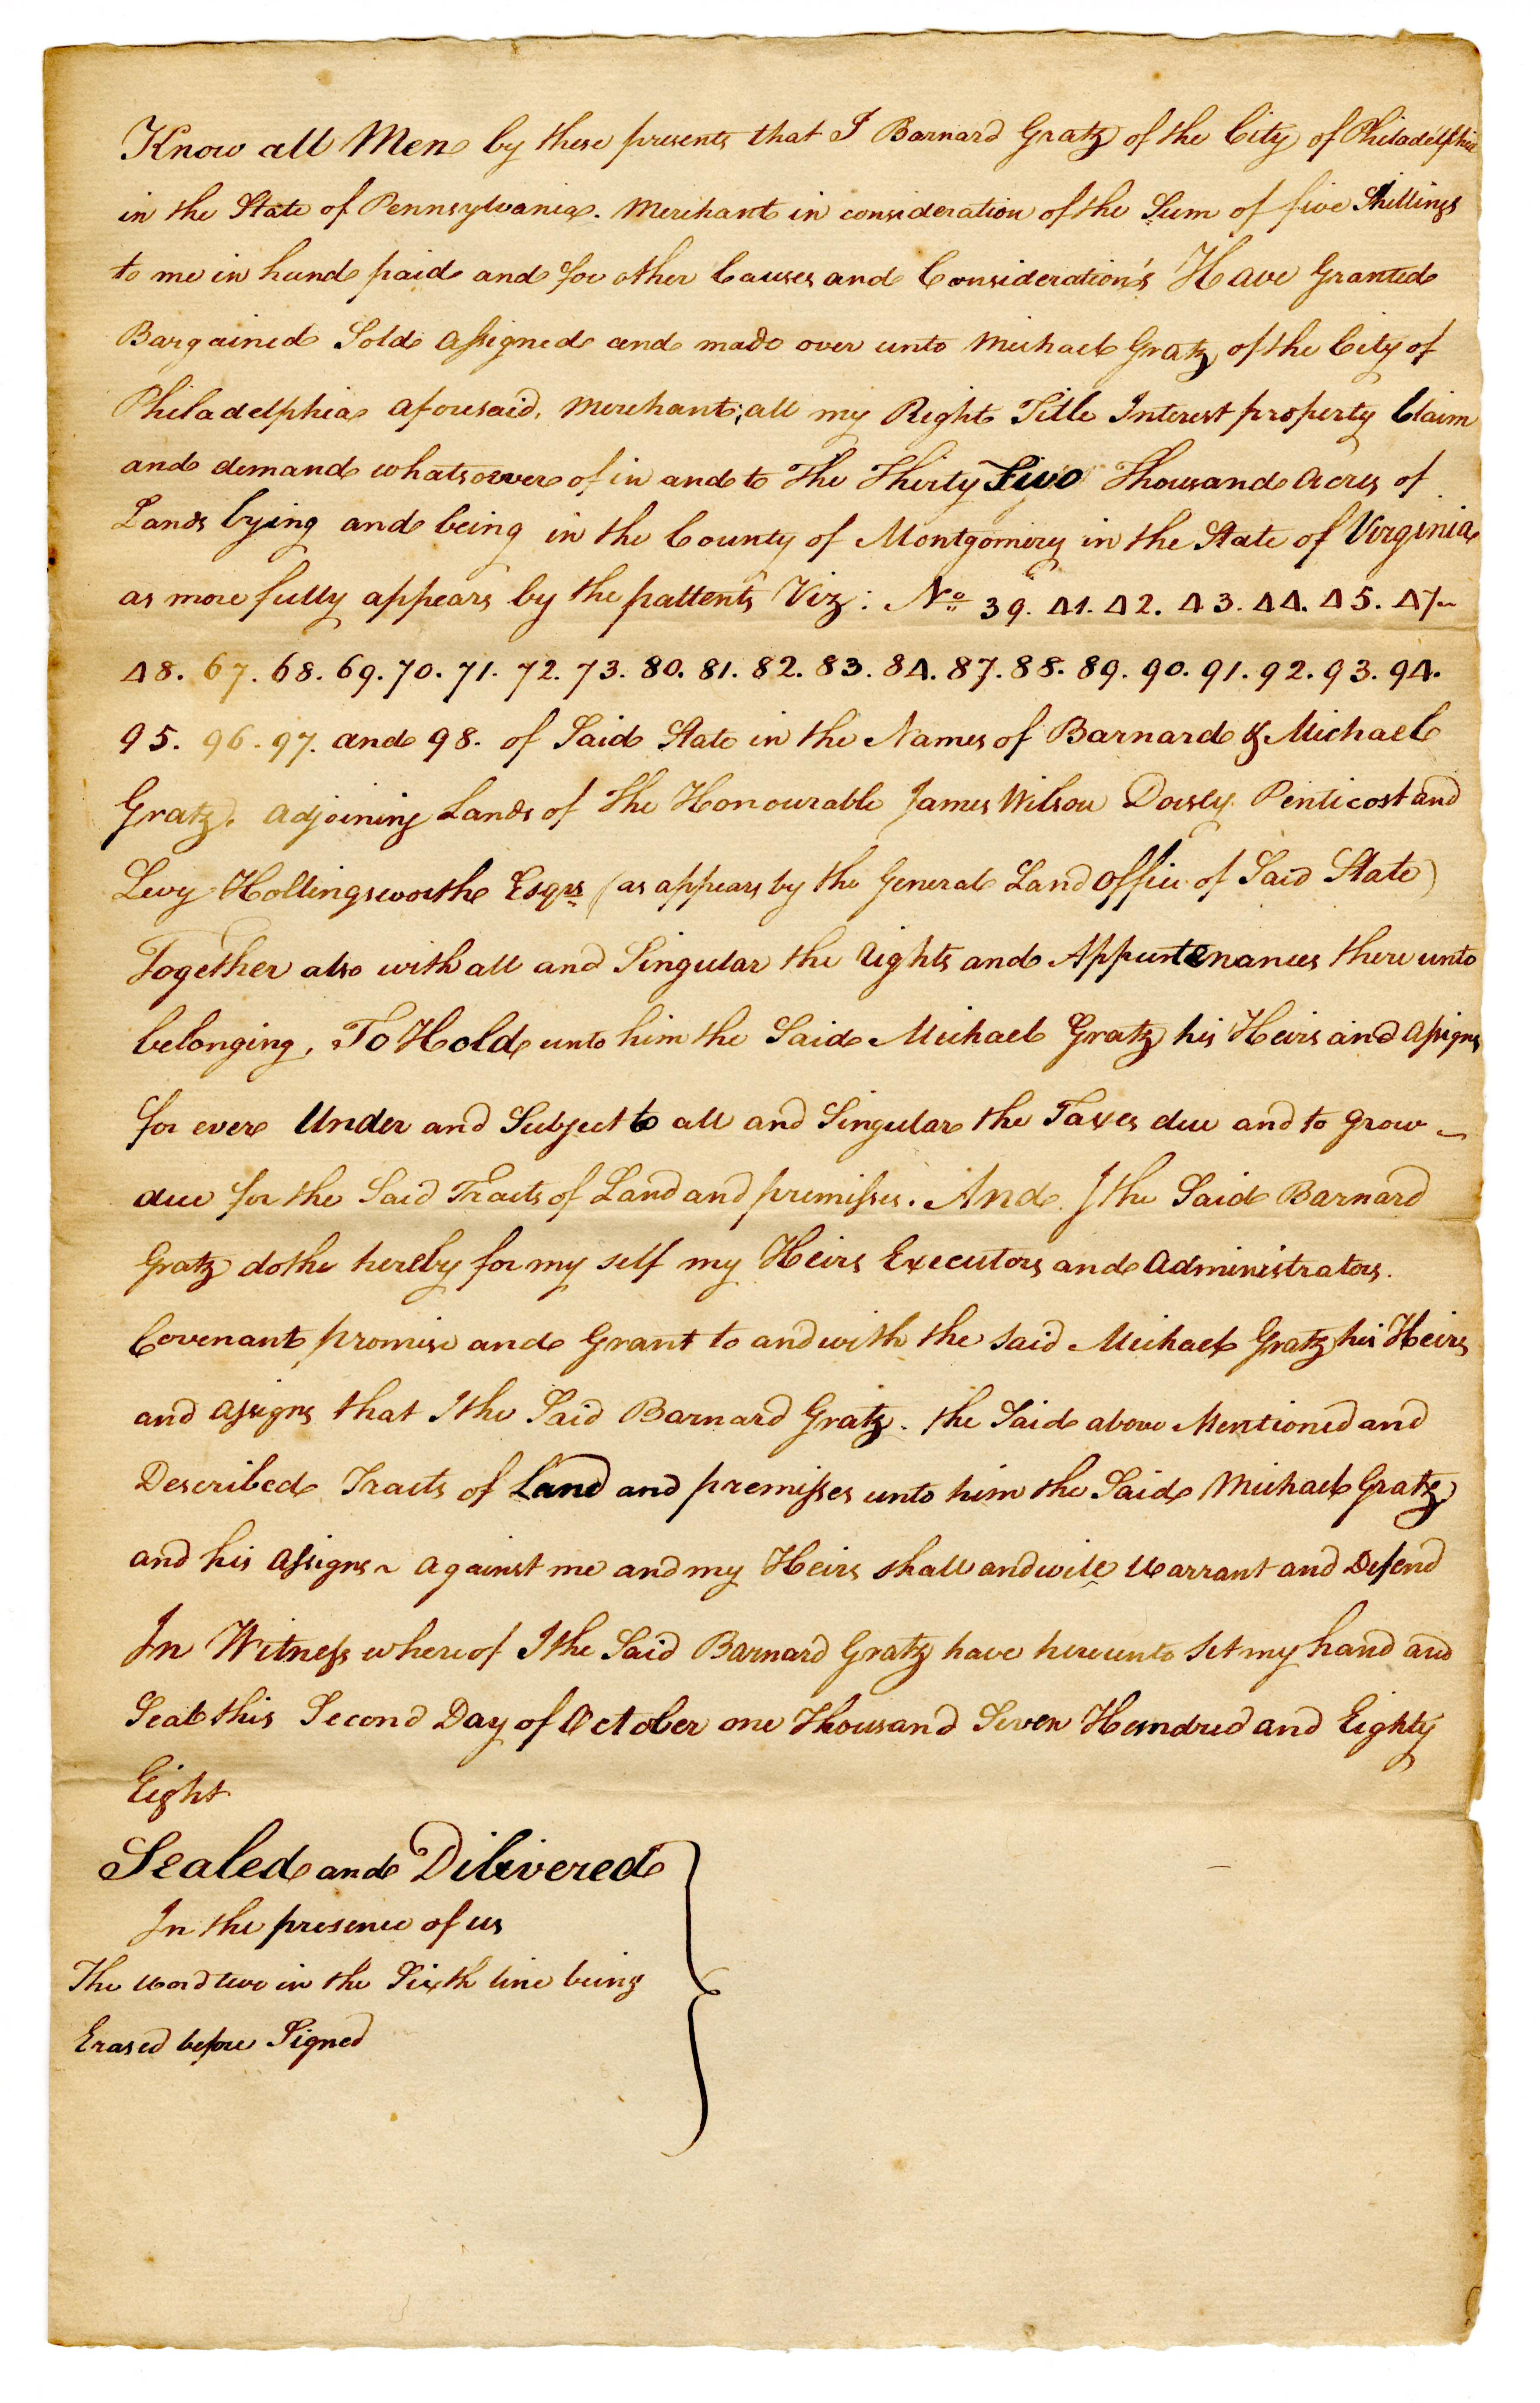Know all Men by these presents that I Barnard Gratz of the City of Philadelphia
in the State of Pennsylvania. Merchant in consideration of the sum of five shillings
to me in Lands paid and for other Causes and Consideration's Have Granted
Bargained Sold assigned and made over unto Michael Gratz of the City of
Philadelphia aforesaid. merchant; all my Right Title Interest property Claim
and demand whatsoever of in and to The Thirty Two Thousand Acres of
Lands lying and being in the County of Montgomery in the state of Virginia
as more fully appears by the pattents Viz: N^o. 39. 41. 42. 43. 44. 45. 47-
48. 67. 68. 69. 70. 71. 72. 73. 80. 81. 82. 83. 84. 87. 88. 89. 90. 91. 92. 93. 94.
95. 96. 97. and 98. of said state in the names of Barnard & Michael
Gratz. adjoining Lands of The Honourable James Wilson Darcy Penticost and
Levy Hollingsworth Esq^rs (as appears by the General Land Office of Said State)
Together also with all and singular the rights and Appurtenances there unto
belonging, To Hold unto him the said Michael Gratz his Heirs and assigns
for ever Under and Subject to all and Singular the Taxes due and to grow-
due for the said Tracts of Land and premises And I the said Barnard
Gratz do the hereby for my self my Heirs Executors and Administrators.
Covenant promise and Grant to and with the said Michael Gratz his Heirs
and assigns that I the Said Barnard Gratz the said above Mentioned and
Described Tracts of Land and premises unto him the said Michael Gratz
and his assigns- against me and my Heirs shall and will warrant and Defend
In Witness whereof I the Said Barnard Gratz have hereunto Set my hand and
Seal this Second Day of October one Thousand Seven Hundred and Eighty
Eight
Sealed and Dilivered
In the presence of us
The word two in the sixth line being
Erased before Signed